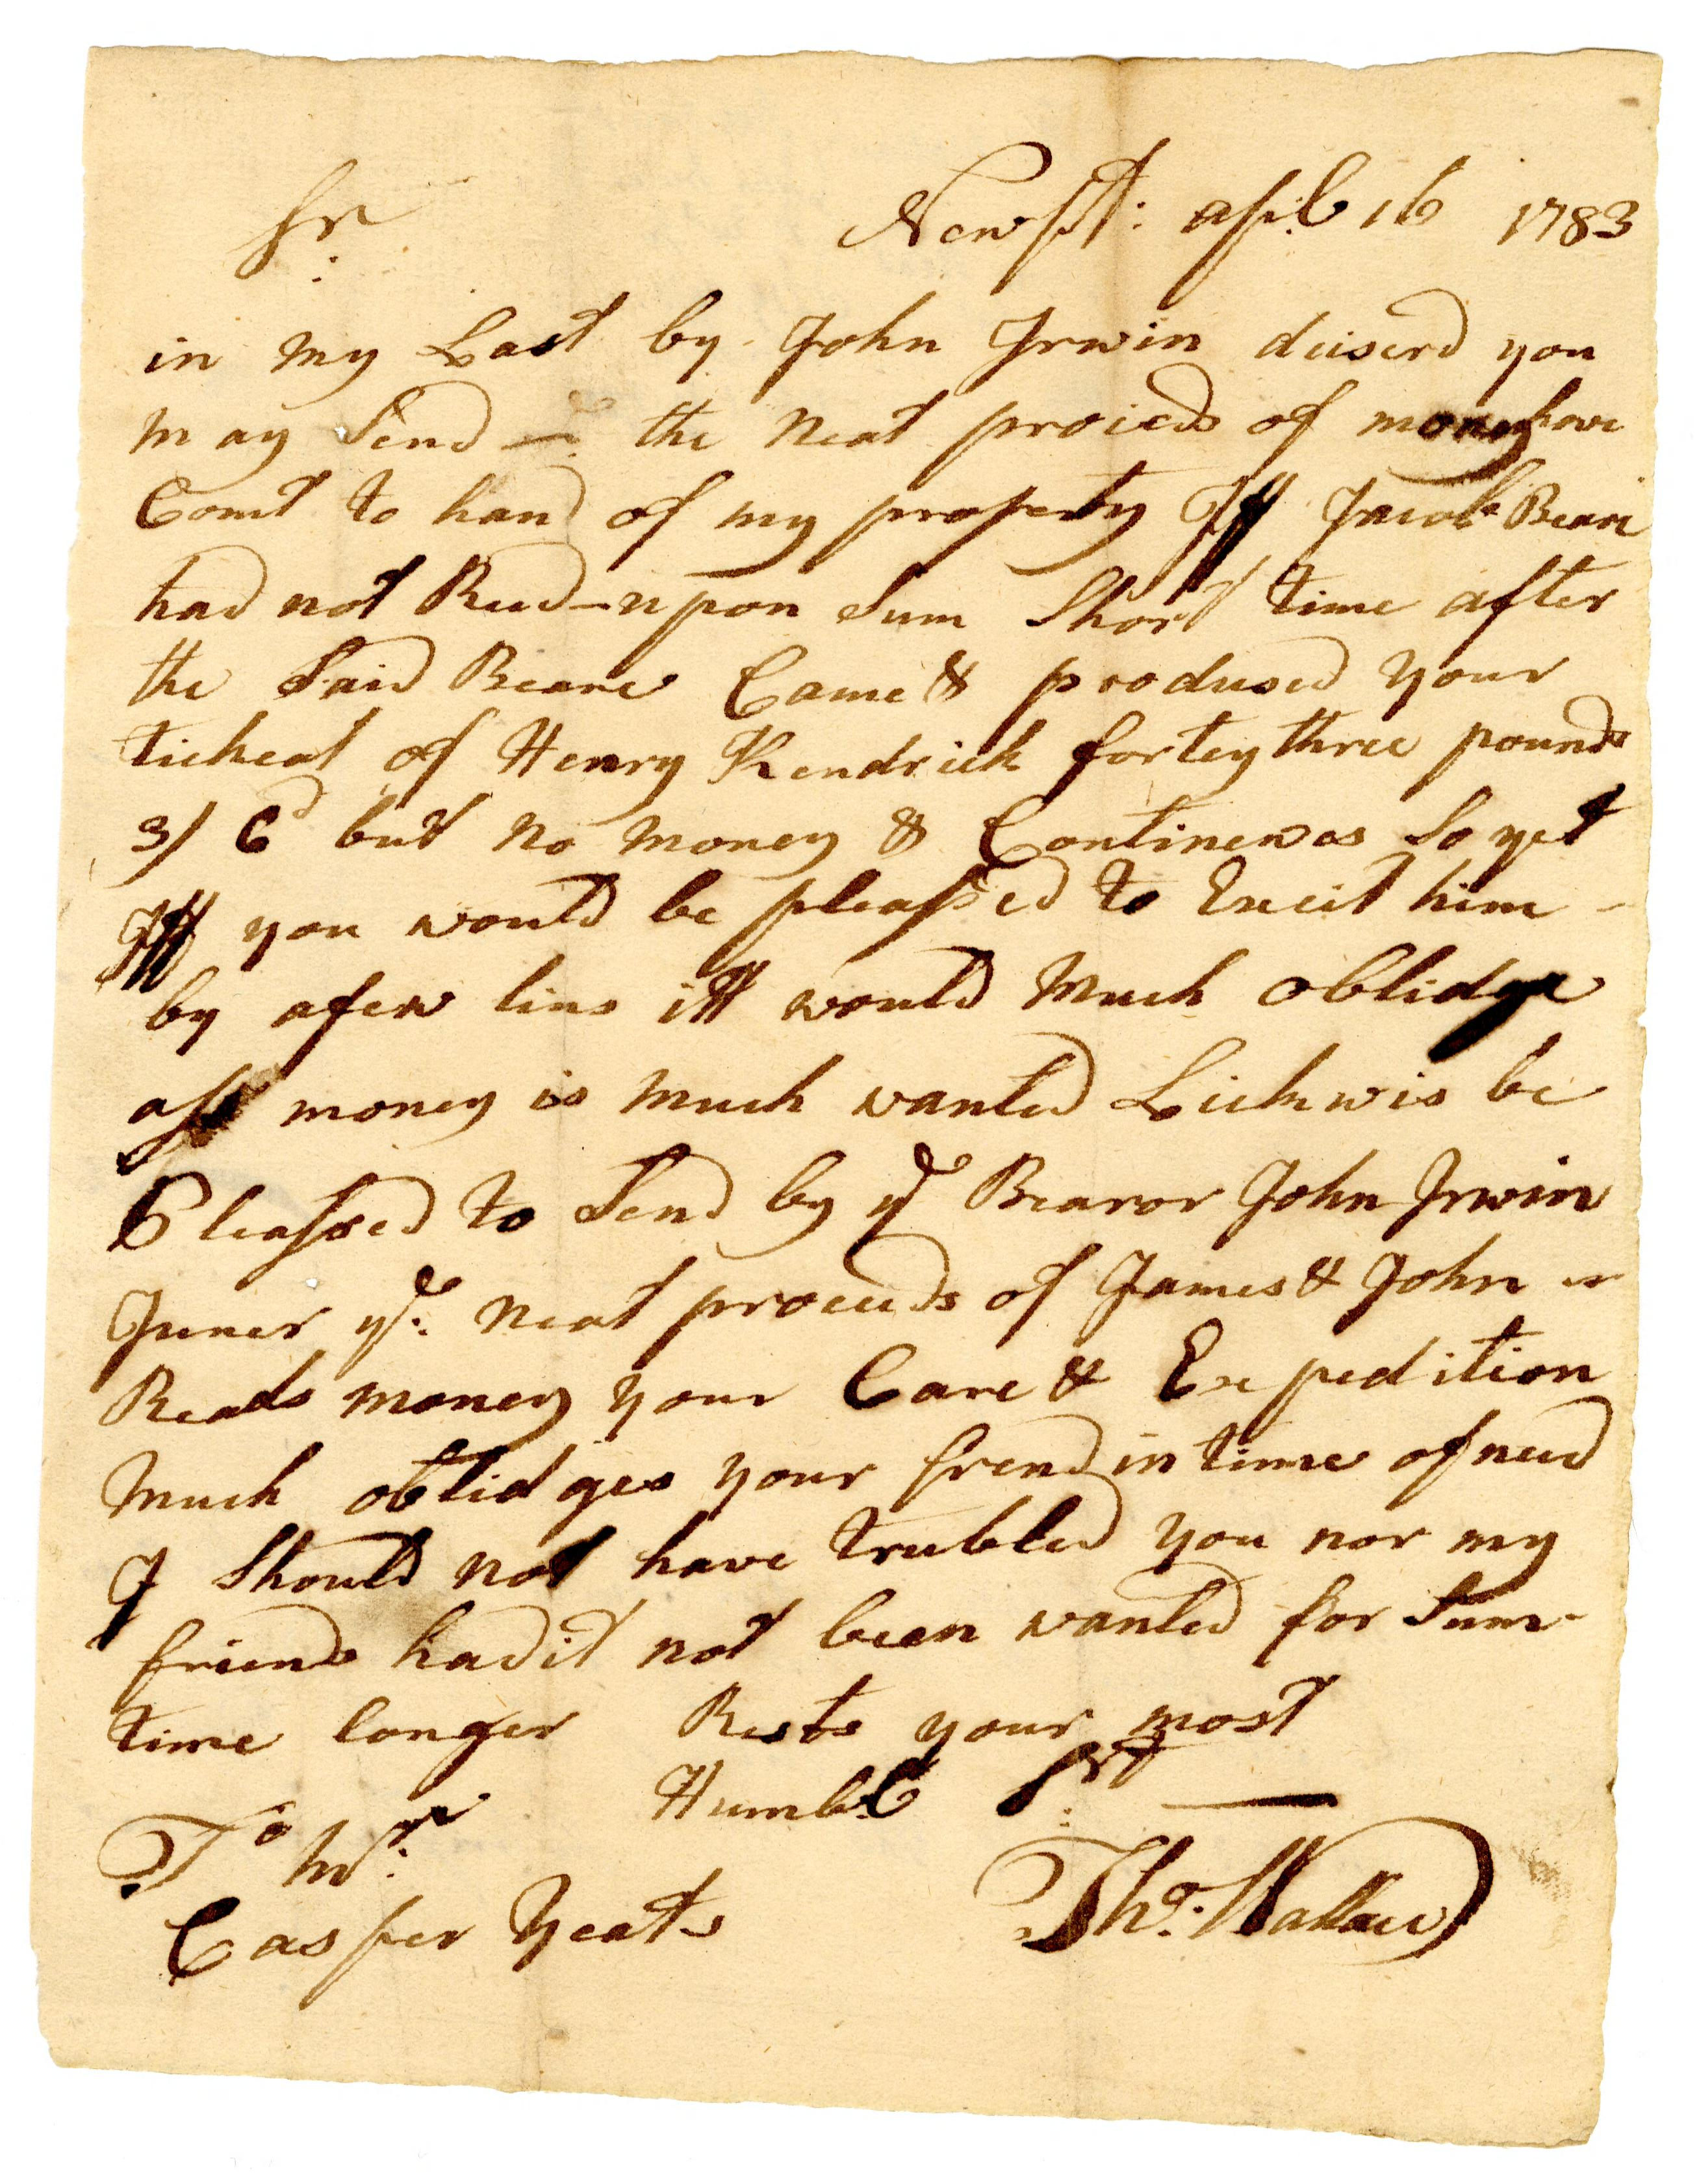Newp^t: apl 16 1783
S^r:
in my Last by John Irwin desird you
may send the next proceeds of money have
Com^t to hand of my property per Jacob Bean
had not Read-upon Sum Short time after
the Said Beane Came & prodused your
ticket of Henry Kendrick fortey three pounds
3/ 6^d but No money & Contine was So yet
Iff you would be pleassed to Encit him-
by a few lins itt would much oblidge
as money is much wanted Likewis be
Pleassed to send by y^e Bearor John Irwin
Juner y^e. next proceeds of James & John in
Reads money your Care & Expedition
much oblidges your frend in time of need
should not have trubled you nor my
friend had it not been wanted for Sum-
time longer Rests your most
Humble S^nt
Th^o. Wallace
T^o W^m:
Casper Yeats